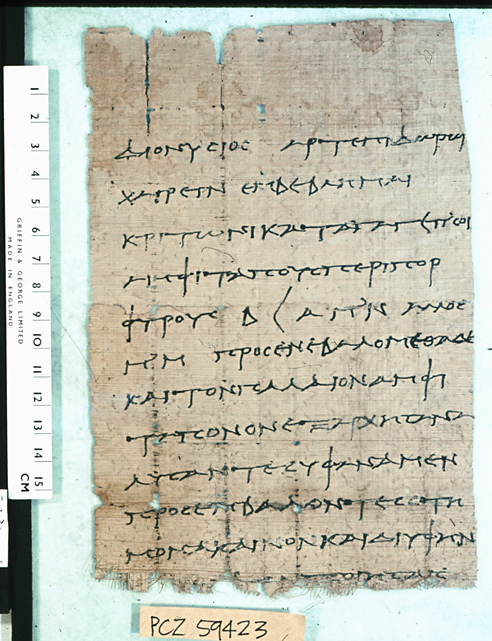διονυϲιοϲ αρτεμιδωρωι
χαιρειν εμβεβλημαι
κριτωνικαταγαγεινϲοι
αμφιταπουϲπεριπορ
φυρουϲ β 〈 αμνν αλλοϲ
μνμ προϲενεβαλομεθαδε
καιτονπαλαιοναμφι
ταπονονεξαρχηϲανα
λυϲαντεϲυφαναμεν
προϲεμβαλοντεϲϲτη
μονακαινονδιυφην